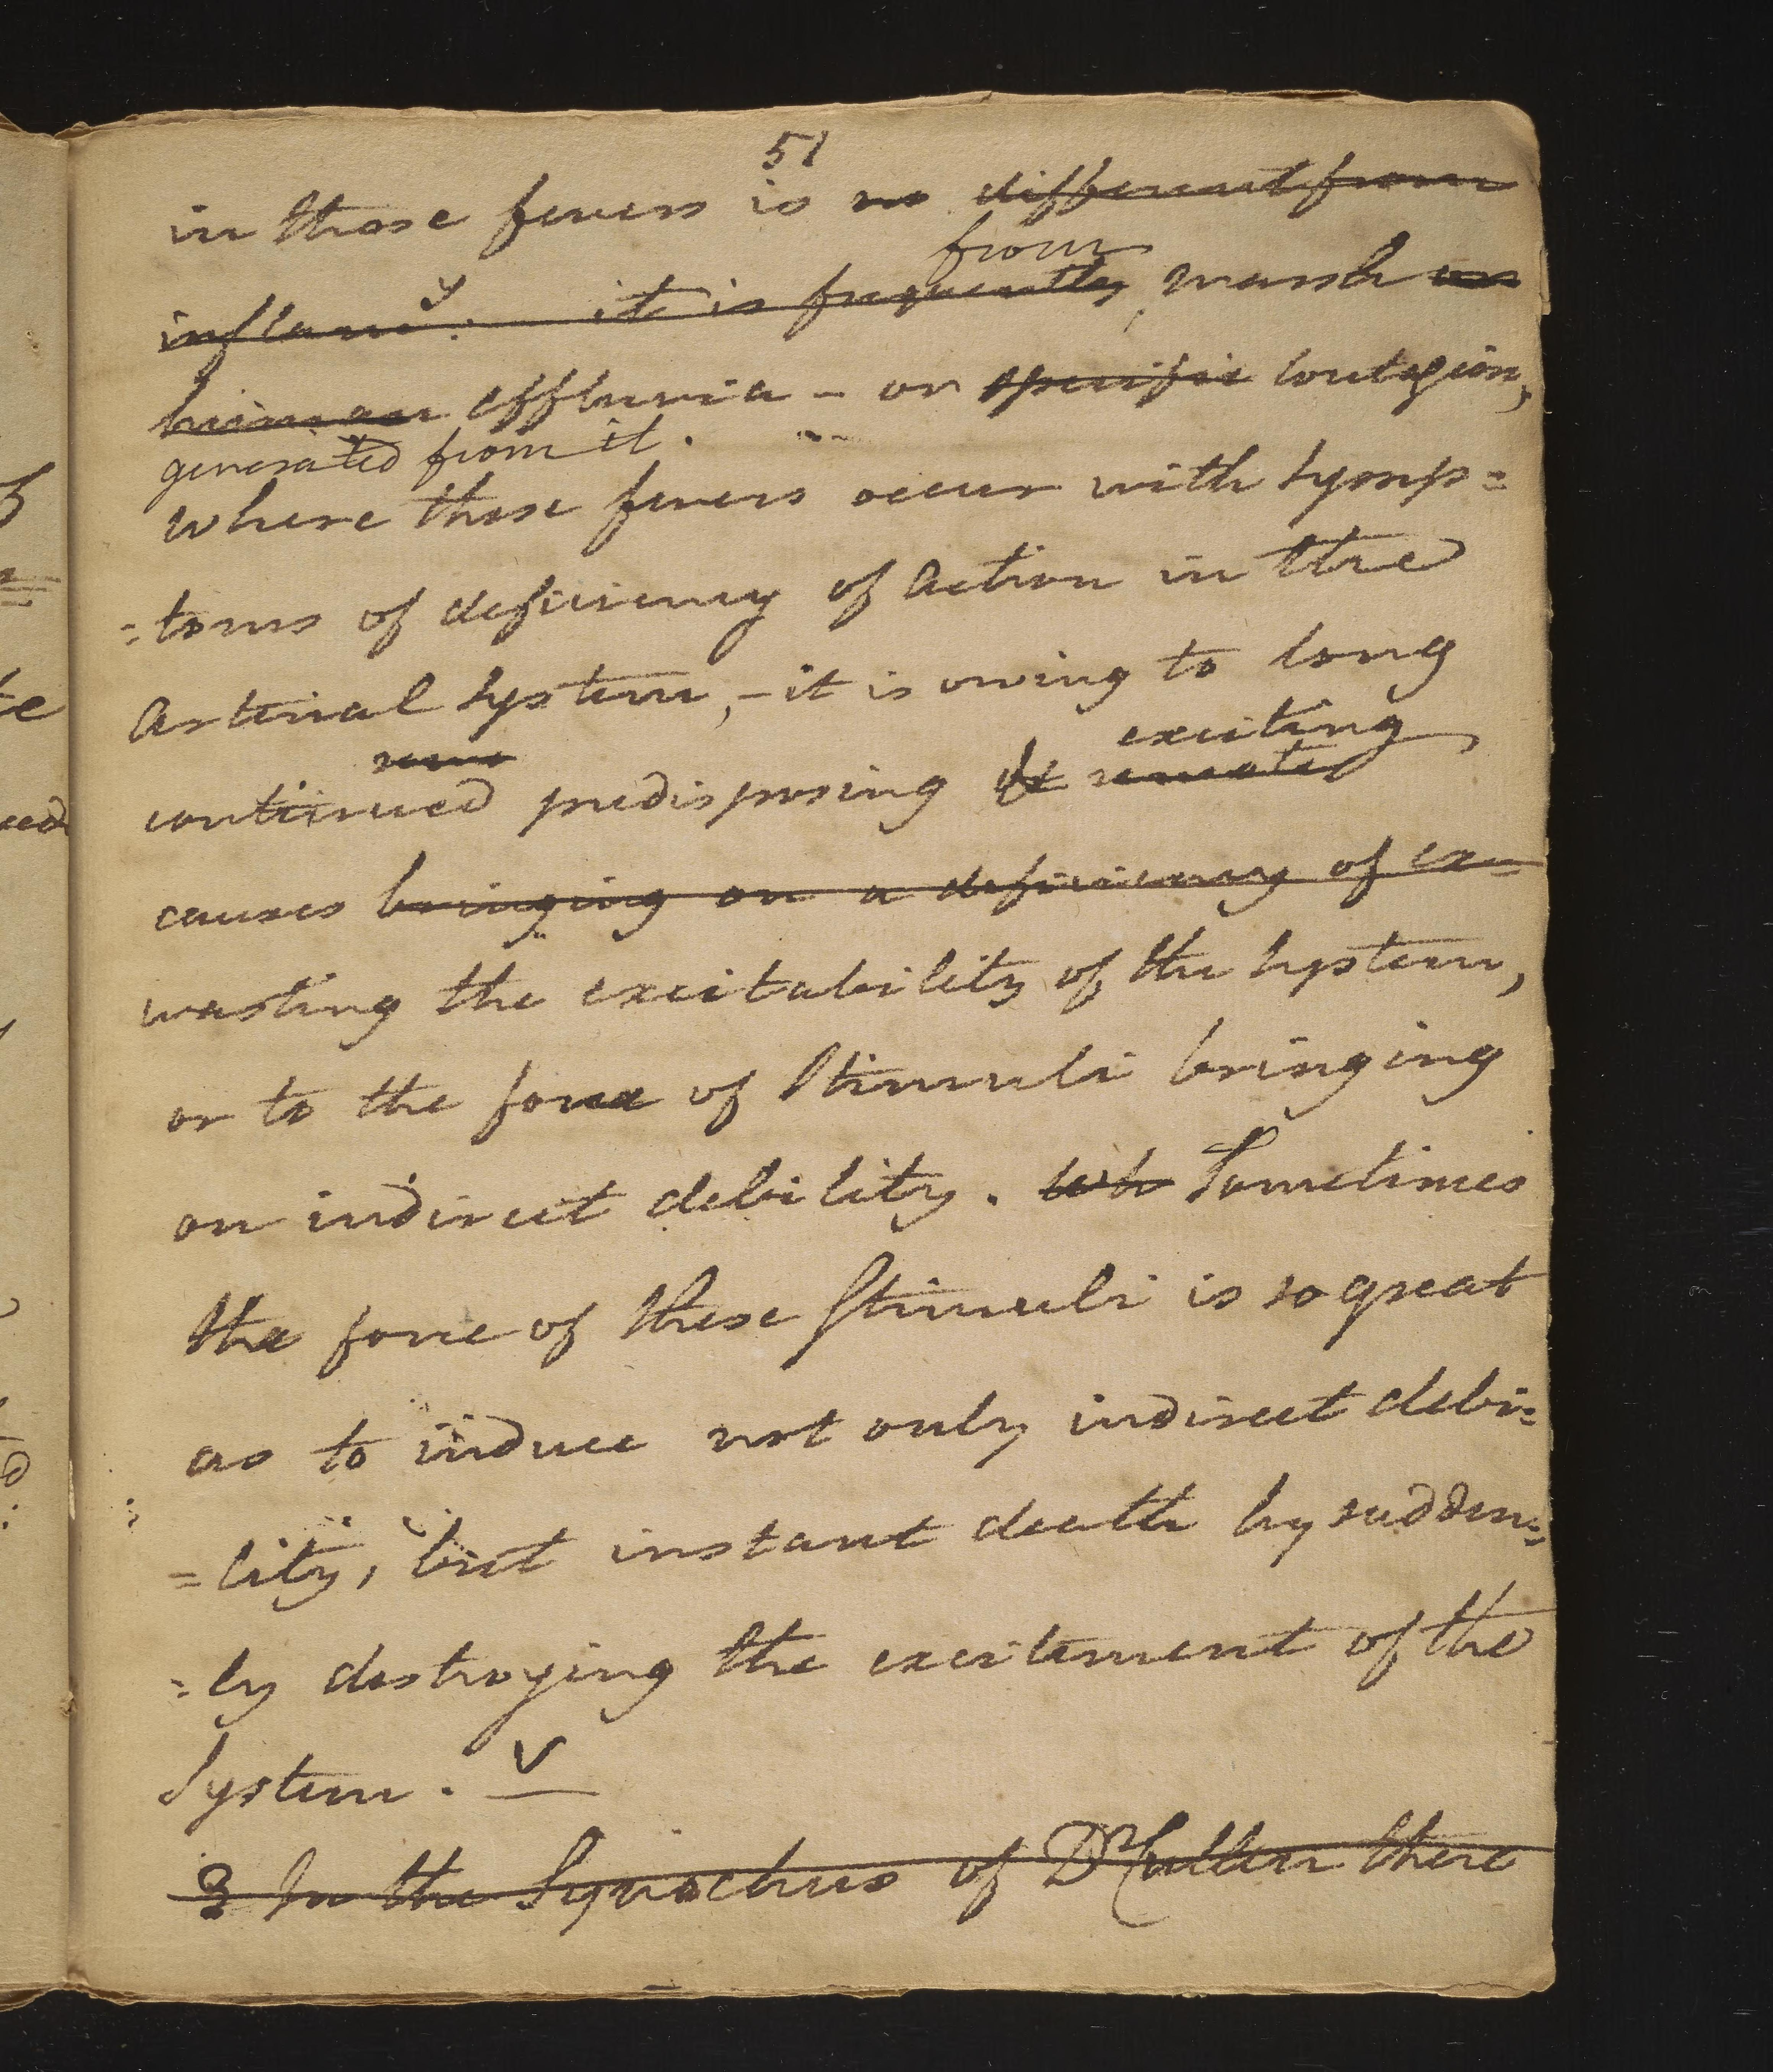51
in those fevers is no [different from]
from
[inflam^y: it is frequently] marsh [or]
[human] effluvia, or [specific] contagion
generated from it.
where these fevers occur with symp-
-toms of deficiency of action in the
arterial system, it is owing to long
senses
exciting
continued predisposing & [remote]
causes [bringing on a deficiency of ex-]
wasting the excitability of the system,
or to the force of Stimuli bringing
on indirect debility. [Wh] Sometimes
the force of these Stimuli is so great
as to induce not only indirect debi-
-lity, but instant death by sudden-
-ly destroying the excitement of the
System. V
[3 In the Synochus of D^r Cullen there]